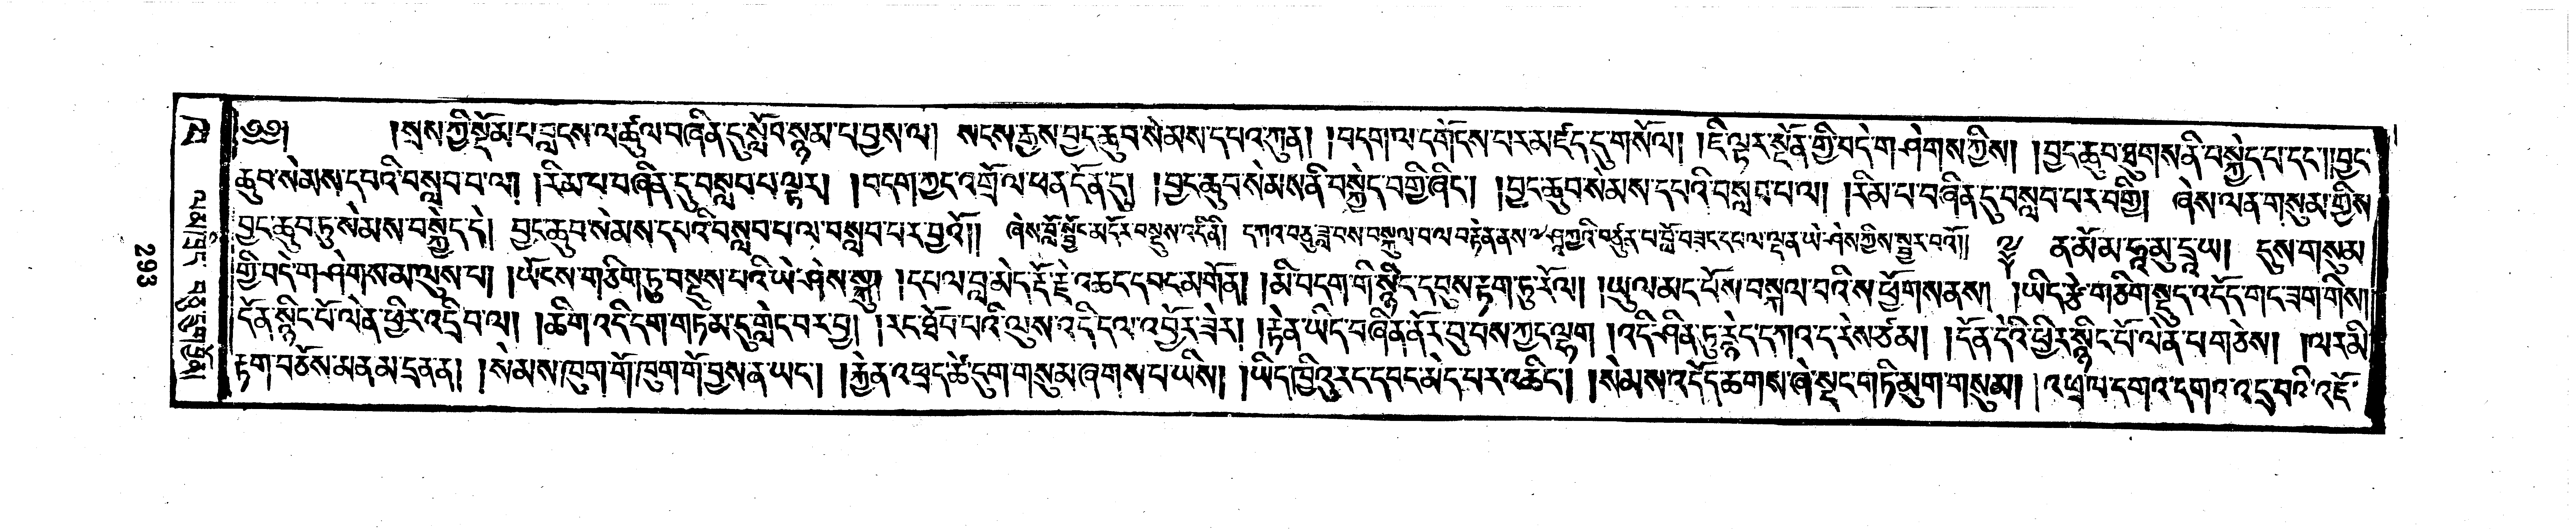༄༅། །སྲས་ཀྱི་སྡོམ་པ་བླངས་ལ་ཚུལ་བཞིན་དུ་སློབ་སྙམ་པ་བྱས་ལ། སངས་རྒྱས་བྱང་ཆུབ་སེམས་དཔའ་ཀུན། །བདག་ལ་དགོངས་པར་མཛད་དུ་གསོལ། །ཇི་ལྟར་སྔོན་གྱི་བདེ་གཤེགས་ཀྱིས། །བྱང་ཆུབ་ཐུགས་ནི་བསྐྱེད་པ་དང་། །བྱང་
ཆུབ་སེམས་དཔའི་བསླབ་པ་ལ། །རིམ་པ་བཞིན་དུ་བསླབ་པ་ལྟར། །བདག་ཀྱང་འགྲོ་ལ་ཕན་དོན་དུ། །བྱང་ཆུབ་སེམས་ནི་བསྐྱེད་བགྱི་ཞིང་། །བྱང་ཆུབ་སེམས་དཔའི་བསླབ་པ་ལ། །རིམ་པ་བཞིན་དུ་བསླབ་པར་བགྱི། ཞེས་ལན་གསུམ་གྱིས་
བྱང་ཆུབ་ཏུ་སེམས་བསྐྱེད་དེ། བྱང་ཆུབ་སེམས་དཔའི་བསླབ་པ་ལ་བསླབ་པར་བྱའོ།། ཞེས་བློ་སྦྱོང་མདོར་བསྡུས་འདི་ནི། དཀའ་བཅུ་ཟླ་བས་བསྐུལ་བ་ལ་བརྟེན་ནས་༈ ཤཱཀྱའི་བཙུན་པ་བློ་བཟང་དཔལ་ལྡན་ཡེ་ཤེས་ཀྱིས་སྦྱར་བའོ།། ~་ན་མོ་མ་ཧཱ་མུ་དྲཱ་ཡ། དུས་གསུམ་
གྱི་བདེ་གཤེགས་མ་ལུས་པ། །ཡོངས་གཅིག་ཏུ་བསྡུས་པའི་ཡེ་ཤེས་སྐུ། །དཔལ་བླ་མེད་རྡོ་རྗེ་འཆད་དབང་མགོན། །མི་བདག་གི་སྙིང་དབུས་རྟག་ཏུ་རོལ། །ཡུལ་མང་པོས་བསྐལ་བའི་ས་ཕྱོགས་ནས། །ཡིད་རྩེ་གཅིག་སྡུད་འདོད་གང་ཟག་གིས།
དོན་སྙིང་པོ་ལེན་ཕྱིར་འདྲི་བ་ལ། །ཆིག་འདི་དག་གཏམ་དུ་གླེང་བར་བྱ། །རང་ཐོབ་པའི་ལུས་འདི་དལ་འབྱོར་ཟེར། །རྟེན་ཡིད་བཞིན་ནོར་བུ་བས་ཀྱང་ལྷག །འདི་ཤིན་ཏུ་རྙེད་དཀའ་ད་རེས་ཙམ། །དོན་དེའི་ཕྱིར་སྙིང་པོ་ལེན་པ་གཅེས། །ལར་མི་
རྟག་བཅོས་མན་མ་དྲན་ན། །སེམས་ཁུག་གོ་ཁུག་གི་བྱས་ན་ཡང་། །རྐྱེན་འཕྲད་ཚེ་དུག་གསུམ་ཞགས་པ་ཡིས། །ཡིད་ཁྱིའུ་རང་དབང་མེད་པར་འཆིང་། །སེམས་འདོད་ཆགས་ཞེ་སྡང་གཏི་མུག་གསུམ། །འཕྲལ་དགའ་དགའ་འདྲ་བའི་འཇོ་